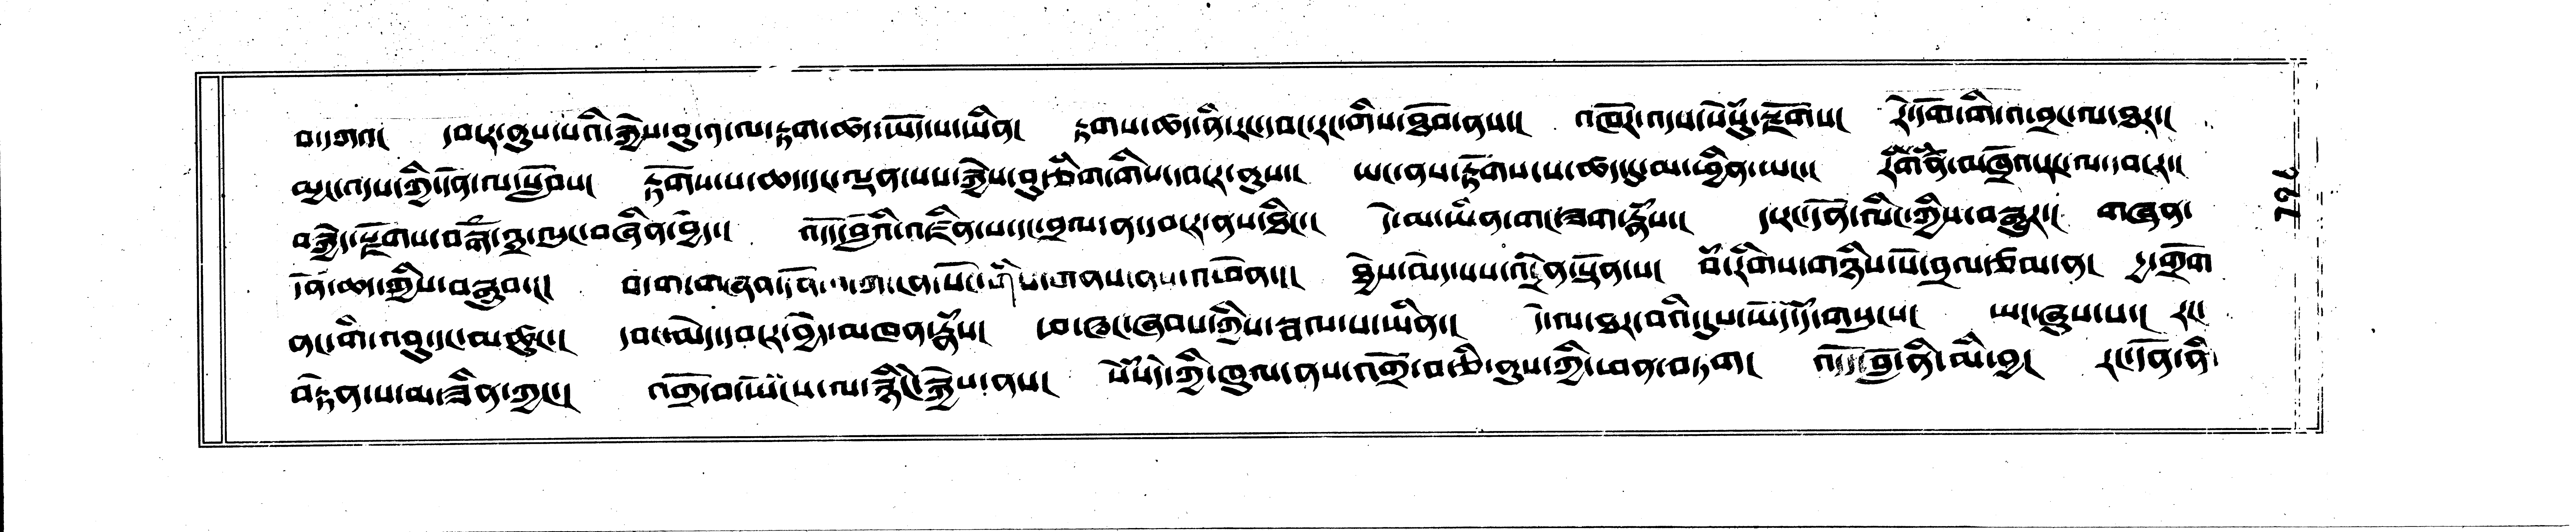བ་དཀའ། དབང་བསྐུར་ནུས་པའི་སྐྱེས་བུ་ཅིག་ལ་རྟགས་ཚད་ཡོད་པ་ཡིན། རྟགས་ཚད་ནི་རང་དབང་རང་གི་ཐོབ་ནས་འཁོར་འདས་སེམས་སུ་རྫོགས། རེ་དོགས་གི་འཕྲང་ལས་ཐར། 
མྱང་འདས་ཀྱི་དོན་ལ་སློབས། རྟོགས་པ་ཁྱད་དང་ལྡན་པའི་སྐྱེས་བུ་ཅིག་གིས་དབང་བསྐུར་ནུས། ཡང་ན་རྟོགས་པ་ཚད་དུ་མ་ཕྱིན་ཡང་། རིག་འཛིན་མཁའ་འགྲོས་རང་ལ་དབང་བསྐུར། 
བསྐྱེད་རྫོགས་སྒོམ་གསུམ་ལུང་བཞིན་བྱེད། འདོད་བློའི་འཛིན་པ་དང་བྲལ་ནས་དབང་བསྐུར་ན་ཐིང་། དེ་མ་ཡིན་གང་ཟག་རྣམས། ད་རང་དོན་ལིང་གིས་བསྒྱུར་༼བསྐྱུར༽། གཞན་
དོན་ཆེད་ཀྱིས་བསྒྲུབ། བདག་གཞན་དོན་གཉིས་ཀ་ངན་སོང་གི་གནས་ན་འཕེན། ཐུགས་རྗེ་མེད་པའི་འདྲེན་སྟོན་པ། བེམ་རིག་གཉིས་པོ་བྲལ་ཙམ་ན། རྒྱ་གྲོང་
ནང་གི་འབུ་དང་མཚུངས། དབང་མེད་དབང་བསྐུར་བྱེད་མཁན་རྣམས། ཕ་ཝང་ཞབས་ཀྱི་སྦལ་པ་ཡིན། དེ་ལ་ཐར་བའི་དུས་ཡོད་དམ་གསུངས། ཡང་ཞུས་པ། རང་
བརྟེན་ས་མ་ཟིན་ཀྱང་། འགྲོ་བ་ཡོངས་ལ་སྙིང་རྗེ་སྐྱེས་ནས། སེམས་བསྐྱེད་ཀྱི་ཁུལ་ནས་འགྲོ་བ་ཅི་ནུས་ཀྱི་ཕན་བཏགས། འདོད་བློ་ནི་མི་བྱ། རང་དོན་ནི་